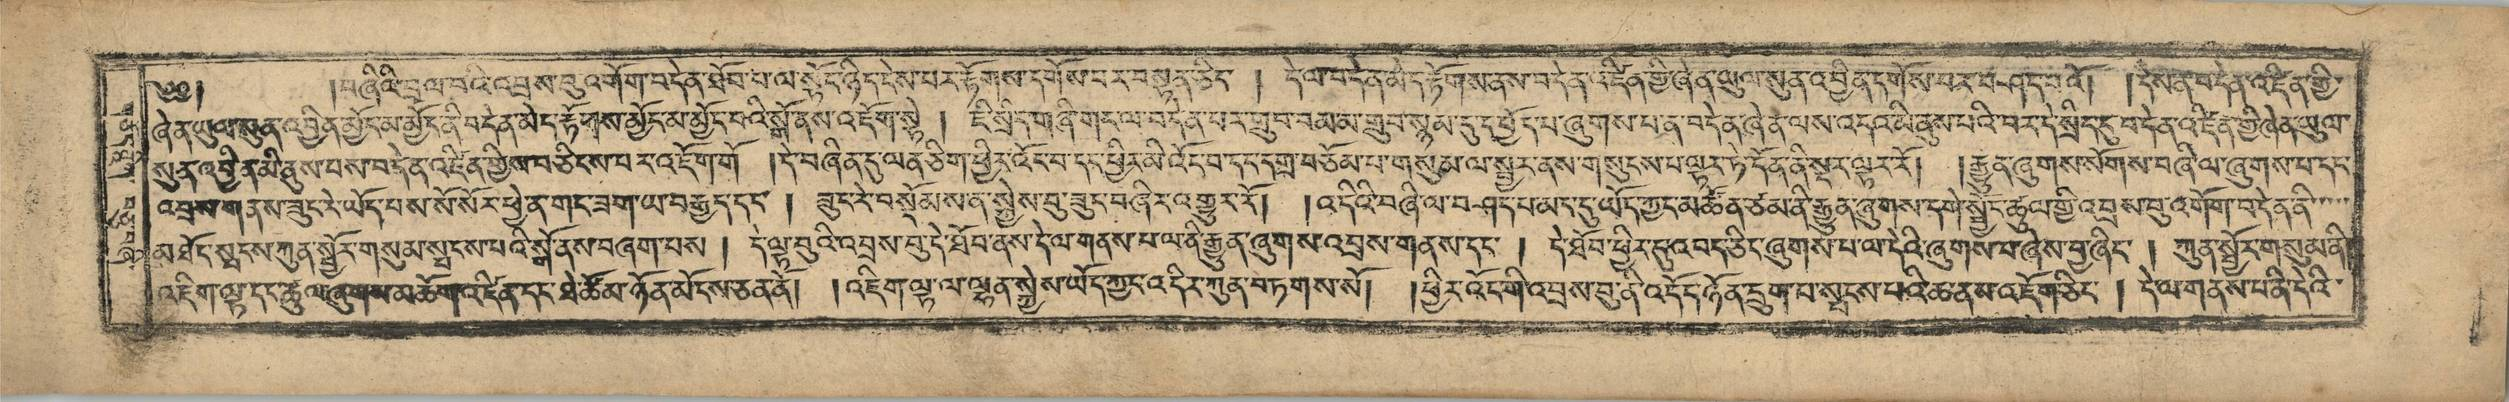༄༅། །བཞིའི་བྲལ་བའི་འབྲས་བུ་འགོག་བདེན་ཐོབ་པ་ལ་སྟོང་ཉིད་ངེས་པར་རྟོགས་དགོས་པར་བསྟན་ཅིང་། དེ་ལ་བདེན་མེད་རྟོགས་ནས་བདེན་འཛིན་གྱི་ཞེན་ཡུལ་སུན་འབྱིན་དགོངས་པར་བཤད་པའོ། །དེས་ན་བདེན་འཛིན་གྱི་
ཞེན་ཡུལ་སུན་འབྱིན་མྱོང་མ་མྱོང་ནི་བདེན་མེད་རྟོགས་མྱོང་མ་མྱོང་བའི་སྒོ་ནས་འཇོག་སྟེ་། ཇི་སྲིད་གཞི་གང་ལ་བདེན་པར་གྲུབ་བམ་མ་གྲུབ་སྙམ་དུ་སྤྱོད་པ་ཞུགས་པ་ན་བདེན་ཞེན་ལས་འདའ་མི་ནུས་པའི་བར་དེ་སྲིད་དུ་བདེན་འཛིན་གྱི་ཞེན་ཡུལ་
སུན་འབྱིན་མི་ནུས་པས་བདེན་འཛིན་གྱིས་བཅིངས་པར་འཇོག་གོ །དེ་བཞིན་དུ་ལན་ཅིག་ཕྱིར་འོང་བ་དང་ཕྱིར་མི་འོང་བ་དང་དགྲ་བཅོམ་པ་གསུམ་ལ་སྦྱར་ནས་གསུངས་པ་ལྟར་ཏེ་དོན་ནི་སྔར་ལྟར་རོ། །རྒྱུན་ཞུགས་སོགས་བཞི་ལ་ཞུགས་པ་དང་
འབྲས་གནས་ཟུང་རེ་ཡོད་པས་སོ་སོར་ཕྱེ་ན་གང་ཟག་ཡ་བརྒྱད་དང་། ཟུང་རེ་བསྡོམས་ན་སྐྱེས་བུ་ཟུང་བཞིར་འགྱུར་རོ། །འདིའི་བཞི་ལ་བཤད་པ་མང་དུ་ཡོད་ཀྱང་མཚོན་ཙམ་ནི་རྒྱུན་ཞུགས་དགེ་སྦྱོང་ཚུལ་གྱི་འབྲས་བུ་འགོག་བདེན་ནི་
མཐོང་སྤངས་ཀུན་སྦྱོར་གསུམ་སྤངས་པའི་སྒོ་ནས་བཞག་པས། དེ་ལྟ་བུའི་འབྲས་བུ་དེ་ཐོབ་ནས་དེ་ལ་གནས་པ་ལ་ནི་རྒྱུན་ཞུགས་འབྲས་གནས་དང་། དེ་ཐོབ་ཕྱིར་དུ་འབད་ཅིང་ཞུགས་པ་ལ་དེའི་ཞུགས་པ་ཞེས་བྱ་ཞིང་། ཀུན་སྦྱོར་གསུམ་ནི།
འཇིག་ལྟ་དང་ཚུལ་ཞུགས་མཆོག་འཛིན་དང་ཐེ་ཚོམ་ཉོན་མོངས་ཅན་ནོ། །འཇིག་ལྟ་ལ་ལྷན་སྐྱེས་ཡོད་ཀྱང་འདིར་ཀུན་བཏགས་སོ། །ཕྱིར་འོང་གིས་འབྲས་བུ་ནི་འདོད་ཉོན་དྲུག་པ་སྤངས་པའི་ཆ་ནས་འཇོག་ཅིང་། །དེ་ལ་གནས་པ་ནི་དེའི་